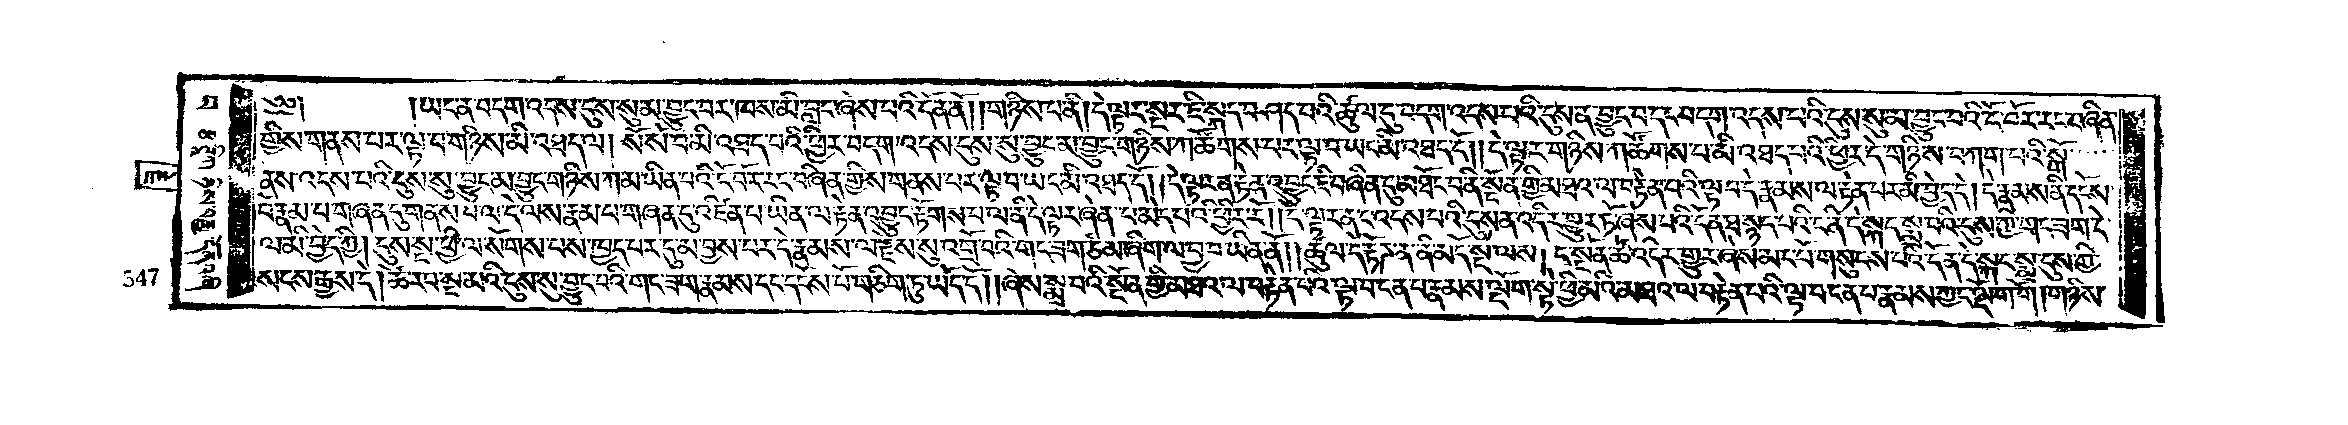༄༅། །ཡང་ན་བདག་འདས་སུ་མ་བྱུང་བར་ཁས་མི་བླང་ཞེས་པའི་དོན་ནོ། །གཉིས་པ་ནི། དེ་ལྟར་སྔར་ཇི་སྐད་བཤད་པའི་ཚུལ་དུ་བདག་འདས་པའི་དུས་ན་བྱུང་བ་དང་བདག་འདས་པའི་དུས་སུ་མ་བྱུང་བའི་ངོ་བོར་རང་བཞིན་
གྱིས་ངས་པར་ལྟ་བ་གཉ༨ཨིས་མི་འཐད་ལ། སོ་སོ་བ་མི་འཐད་པའི་ཕྱིར་བདག་འདས་དུས་སུ་བྱུང་མ་བྱུང་གཉིས་ཀ་ཚོགས་པར་ལྟ་བ་ཡང་མི་འཐད་དོ། །དེ་ལྟར་གཉིས་ཀ་ཚོགས་པ་མི་འཐད་པའི་ཕྱིར་དེ་གཉིས་བཀག་པའི་སྒོ་
ནས་འདས་པའི་དུས་སུ་བྱུང་མ་བྱུང་གཉིས་ཀ་མ་ཡིན་པའི་ངོ་བོར་རང་བཞིན་གྱིས་གནས་པ་ལྟ་བ་ཡང་མི་འཐད་དོ། དེ་ལྟར་ན་རྟེན་འབྱུང་ཇི་བཞིན་དུ་མཐོང་བ་ནི་སྔོན་གྱི་མཐའ་ལ་བརྟེན་པའི་ལྟ་བ་དེ་རྣམས་ལ་རྟེན་པར་མི་བྱེད་དེ། དེ་རྣམས་ནི་དངོས་
པོ་རྣམ་པ་གཞན་དུ་གནས་པ་ལ་དེ་ལས་རྣམ་པ་གཞན་དུ་འཛིན་པ་ཡིན་ལ་རྟེན་འབྱུང་རྟོགས་པ་ལ་ནི་དེ་ལྟར་ཞེན་པ་མེད་པའི་ཕྱིར་རོ། །དེ་ལྟར་ན་ང་འདས་པའི་དུས་ན་འདིར་གྱུར་ཏོ་ཞེས་པའི་དོན་ཐ་སྙད་པའི་དེ་ནི་དེ་སྐད་སྨྲ་བའི་དུས་ཀྱི་གང་ཟག་དེ་
ལ་མི་བྱེད་ཀྱི། དུས་སྔ་ཕྱི་ལ་སོགས་པས་ཁྱད་པར་དུ་མ་བྱས་པར་དེ་རྣམས་ལ་རྗེས་སུ་འགྲོ་བའི་གང་ཟག་ཙམ་ཞིག་ལ་བྱ་བ་ཡིན་ནོ། །ཚུལ་དེ་རྟོཌ་ན་ནི་མདོ་སྔ་ལས། ང་སྔོན་ཚེ་འདིར་གྱུར་ཞེས་མང་པོ་གསུངས་པའི་དོན་དེ་སྐད་སྨྲ་དུས་ཀྱི་
སངས་རྒྱས་དེ། ཚེ་རབ་སྔ་མའི་དུས་སུ་བྱུང་བའི་གང་ཟག་རྣམས་དང་དངོས་པོ་གཅིག་ཏུ་ཡོད་དོ། །ཞེས་སྨྲ་བའི་སྔོན་གྱི་མཐའ་ལ་བརྟེན་པའི་ལྟ་བ་ངན་པ་རྣམས་ལྡོག་སྟེ་ཕྱི་མའི་མཐའ་ལ་བརྟེན་པའི་ལྟ་བ་ངན་པ་རྣམས་ཀྱང་ལྡོག་གོ །གཉིས་